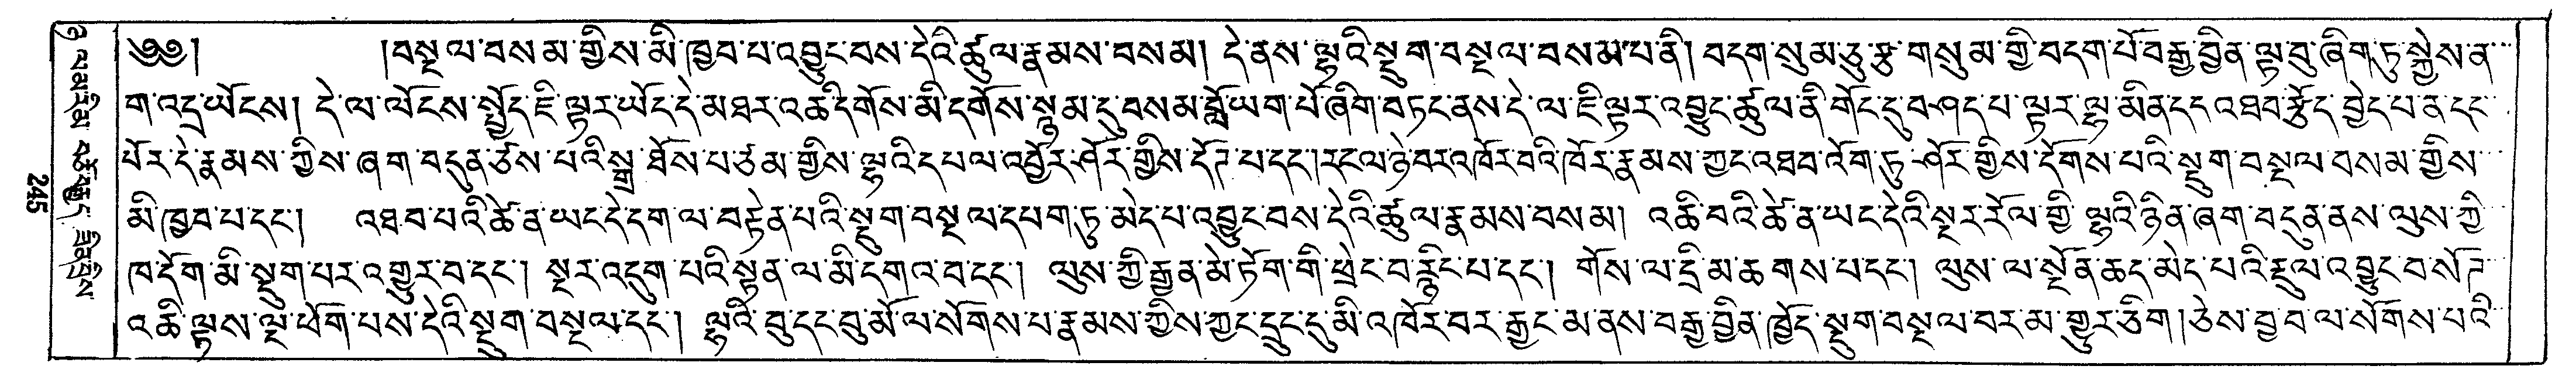༄༅། །བསྔལ་བསམ་གྱིས་མི་ཁྱབ་པ་འབྱུང་བས་དེའི་ཚུལ་རྣམས་བསམ། དེ་ནས་ལྷའི་སྡུག་བསྔལ་བསམ་པ་ནི། བདག་སུམ་ཅུ་རྩ་གསུམ་གྱི་བདག་པོ་བརྒྱ་བྱིན་ལྟ་བུ་ཞིག་ཏུ་སྐྱེས་ན་
ག་འདྲ་ཡོངས། དེ་ལ་ལོངས་སྤྱོད་ཇི་ལྟར་ཡོད་དེ་མཐར་འཆི་དགོས་མི་དགོས་སྙམ་དུ་བསམ་བློ་ཡག་པོ་ཞིག་བཏང་ནས་དེ་ལ་ཇི་ལྟར་འབྱུང་ཚུལ་ནི་གོང་དུ་བཤད་པ་ལྟར་ལྷ་མིན་དང་འཐབ་རྩོད་བྱེད་པ་ན་དང་
པོར་དེ་རྣམས་ཀྱིས་ཞག་བདུན་ཙས་པའི་སྒྲ་ཐོས་བ་ཙམ་གྱིས་ལྷའི་དཔལ་འབྱོར་ཤོར་གྱིས་དོཌ་པ་དང་། རང་ལ་ཉེ་བར་འཁོར་བའི་ཁོར་རྣམས་ཀྱང་འཐབ་འོག་ཏུ་ཤོར་གྱིས་དོགས་པའི་སྡུག་བསྔལ་བསམ་གྱིས་
མི་ཁྱབ་པ་དང་། འཐབ་པའི་ཚེ་ན་ཡང་དེ་དག་ལ་བརྟེན་པའི་སྡུག་བསྔལ་དཔག་ཏུ་མེད་པ་འབྱུང་བས་དེའི་ཚུལ་རྣམས་བསམ། འཆི་བའི་ཚེ་ན་ཡང་དེའི་སྔར་རོལ་ཀྱི་ལྷའི་ཉིན་ཞག་བདུན་ནས་ལུས་ཀྱི་
ཁ་དོག་མི་སྡུག་པར་འགྱུར་བ་དང་། སྔར་འདུག་པའི་སྟན་ལ་མི་དགའ་བ་དང་། ལུས་ཀྱི་རྒྱན་མེ་ཏོག་གི་ཕྲེང་བ་རྙིང་པ་དང་། གོས་ལ་དྲི་མ་ཆགས་པ་དང་། ལུས་ལ་སྔོན་ཆད་མེད་པའི་རྡུལ་འབྱུང་བ་སོཌ་
འཆི་ལྟས་ལྔ་ཕོག་པས་དེའི་སྡུག་བསྔལ་དང་། ལྷའི་བུ་དང་བུ་མོ་ལ་སོགས་པ་རྣམས་ཀྱིས་ཀྱང་དྲུང་དུ་མི་འཁོར་བར་རྒྱང་མ་ནས་བརྒྱ་བྱིན་ཁྱོད་སྡུག་བསྔལ་བར་མ་གྱུར་ཅིག །ཅེས་བྱ་བ་ལ་སོགས་པའི་